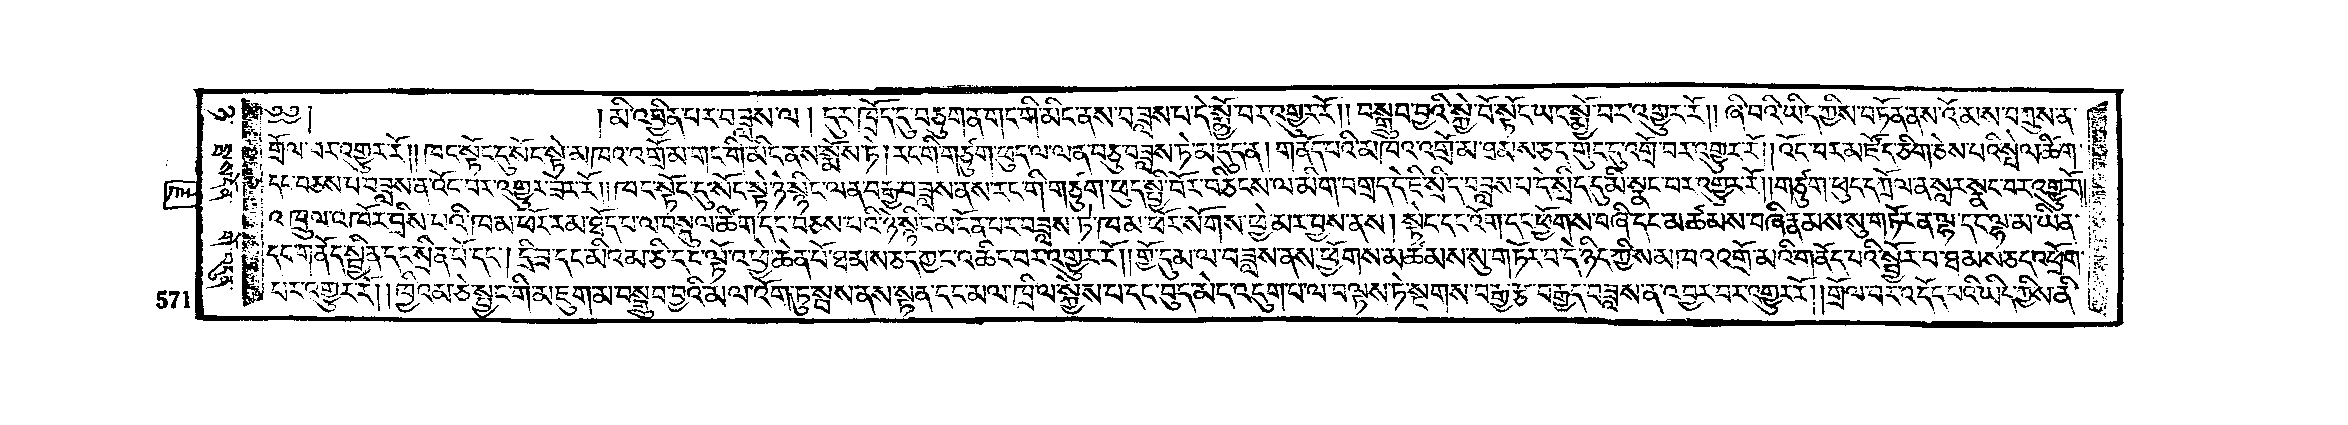༄༅། །མི་འབྱིན་པར་བཟླས་ལ། དུར་ཁྲོད་དུ་བཅུག་ན་གང་གི་མིང་ནས་བཟླས་པ་དེ་སྨྱོ་བར་འགྱུར་རོ། །བསྒྲུབ་བྱའི་སྐྱེ་བོ་སྟོང་ཡང་སྨྱོ་བར་འགྱུར་རོ། །ཞི་བའི་ཡིད་ཀྱིས་བཏོན་ནས་འོ་མས་བཀྲུས་ན་
གྲོལ་བར་འགྱུར་རོ། །ཁང་སྟོང་དུ་སོང་སྟེ་མཁའ་འགྲོ་མ་གང་གི་མིང་ནས་སྨོས་ཏེ། རང་གི་གཙུག་ཕུད་ལ་ལན་བཅུ་བཟླས་ཏེ་མདུད་ན། གནོད་པའི་མཁའ་འགྲོ་མ་ཐམས་ཅད་གུང་དུ་འགྲོ་བར་འགྱུར་རོ། །འོང་བར་མཛོད་ཅིག་ཅེས་པའི་སྤེལ་ཚིག་
དང་བཅས་པ་བཟླས་ན་འོང་བར་འགྱུར་ཟེར་རོ། །ཁང་སྟོང་དུ་སོང་སྟེ་ཉེ་སྙིང་ལན་བརྒྱ་བཟླས་ནས་རང་གི་གཙུག་ཕུད་སྤྱི་བོར་བཅིངས་ལ་མིག་བགྲད་དེ་ཇི་སྲིད་བཟླས་པ་དེ་སྲིད་དུ་མི་སྣང་བར་འགྱུར་རོ། །གཙུག་ཕུད་དཀྲོལ་ན་སླར་སྣང་བར་འགྱུར་རོ། །
འཁྲུལ་འཁོར་བྲིས་པའི་ཁམ་ཕོར་རམ་ཐོད་པ་ལ་བསྐུལ་ཚིག་དང་བཅས་པའི་ཉེ་སྙིང་མངོན་པར་བཟླས་ཏེ་ཁམ་ཕོར་སོགས་ཕྱེ་མར་བྱས་ནས། སྟེང་དང་འོག་དང་ཕྱོགས་བཞི་དང་མཚམས་བཞི་རྣམས་སུ་གཏོར་ན་ལྷ་དང་ལྷ་མ་ཡིན་
དང་གནོད་སྦྱིན་དང་སྲིན་པོ་དང་། དྲི་ཟ་དང་མིའམ་ཅི་དང་ལྟོ་འཕྱེ་ཆེན་པོ་ཐམས་ཅད་ཀྱང་འཆིང་བར་འགྱུར་རོ། །གྱོ་དུམ་ལ་བཟླས་ནས་ཕྱོགས་མཚམས་སུ་གཏོར་བ་དེ་ཉིད་ཀྱིས་མཁའ་འགྲོ་མའི་གནོད་པའི་སྦྱོར་བ་ཐམས་ཅད་འཕྲོག་
པར་འགྱུར་རོ། །ཁྱིའམ་ཅེ་སྤྱང་གི་མཇུག་མ་བསྒྲུབ་བྱའི་མལ་འོག་ཏུ་སྦས་ནས་སྟན་དང་མལ་ཁྲི་ལ་སྐྱེས་པ་དང་བུད་མེད་འདུག་པ་ལ་བལྟས་ཏེ་སྔགས་བརྒྱ་རྩ་བརྒྱད་བཟླས་ན་འབྱར་བར་འགྱུར་རོ། །གྲོལ་བར་འདོད་པའི་ཡིད་ཀྱིས་ནི་